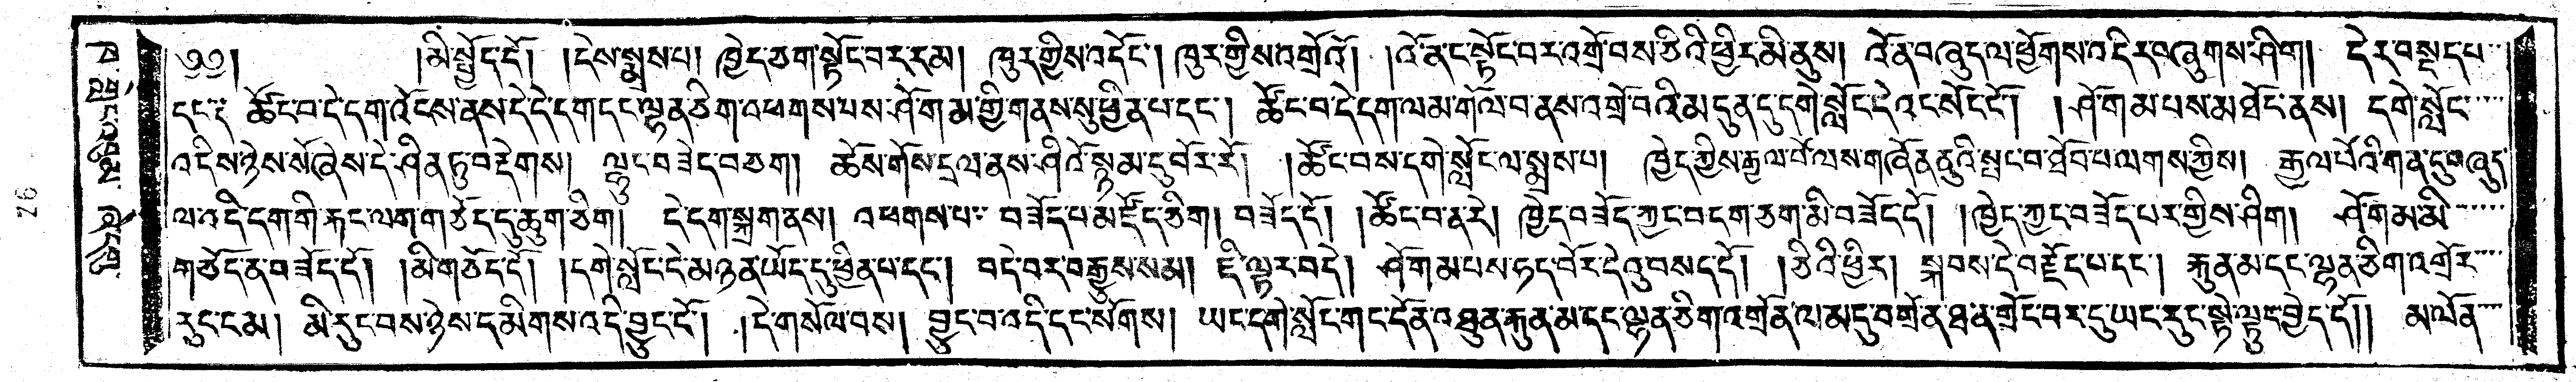༄༅། །མི་སྤྱོད་དོ། །དེས་སྨྲས་པ། ཁྱེད་ཅག་སྟོང་བར་རམ། ཁུར་གྱིས་འདོང་། ཁུར་གྱིས་འགྲོའོ། །འོ་ན་ང་སྟོང་བར་འགྲོ་བས་ཅིའི་ཕྱིར་མི་ནུས། འོ་ན་བཞུད་ལ་ཕྱོགས་འདིར་བཞུགས་ཤིག། དེར་བསྡད་པ་
དང༑ ཚོང་བ་དེ་དག་འོངས་ནས་དེ་དེ་དག་དང་ལྷན་ཅིག་འཕགས་པས་ཤོ་གམ་གྱི་གནས་སུ་ཕྱིན་པ་དང་། ཚོང་བ་དེ་དག་ལམ་གོལ་བ་ནས་འགྲོ་བའི་མདུན་དུ་དགེ་སློང་དེའང་སོང་ངོ། །ཤོ་གམ་པས་མཐོང་ནས། དགེ་སློང་
འདིས་ཉེས་སོ་ཞེས་དེ་ཤིན་ཏུ་བརྡེགས། ལྷུང་བཟེད་བཅག། ཆོས་གོས་དྲལ་ནས་ཤིའོ་སྙམ་དུ་བོར་རོ། །ཚོང་བས་དགེ་སློང་ལ་སྨྲས་པ། ཁྱེད་ཀྱིས་རྒྱལ་བོ་ལས་གཞོན་ནུའི་སྤང་བ་ཐོབ་པ་ལགས་ཀྱིས། རྒྱལ་པོའི་གན་དུ་བཞུད་
ལ་འདི་དག་གི་རྐང་ལག་གཅོད་དུ་ཆུག་ཅིག། དེ་དག་སྐྲག་ནས། འཕགས་པ༑ བཟོད་པ་མཛོད་ཅིག། བཟོད་དོ། །ཚོང་བ་ན་རེ། ཁྱེད་བཟོད་ཀྱང་བདག་ཅག་མི་བཟོད་དོ། །ཁྱེད་ཀྱང་བཟོད་པར་གྱིས་ཤིག། ཤོ་གམ་མི་
གཅོད་ན་བཟོད་དོ། །མི་གཅོད་དོ། །དགེ་སློང་དེ་མཉན་ཡོད་དུ་ཕྱིན་པ་དང་། བདེ་བར་བརྒྱུས་སམ། ཇི་ལྟར་བདེ། ཤོ་གམ་པས་ཧད་བོར་དེའུ་བསད་དོ། །ཅིའི་ཕྱིར། སྐབས་དེ་བརྗོད་པ་དང་། རྐུན་མ་དང་ལྷན་ཅིག་འགྲོར་
རུང་ངམ། མི་རུང་བས་ཉེས་དམིགས་འདི་བྱུང་ངོ། །དེ་གསོལ་བས། བྱུང་བ་འདི་དང་སོགས། ཡང་དགེ་སློང་གང་དོན་འཐུན་རྐུན་མ་དང་ལྷན་ཅིག་འགྲོན་ལམ་དུ་བགྲོ་ན་ཐ་ན་གྲོང་བར་དུ་ཡང་རུང་སྟེ་ལྟུང་བྱེད་དོ།། མ་ལོན་